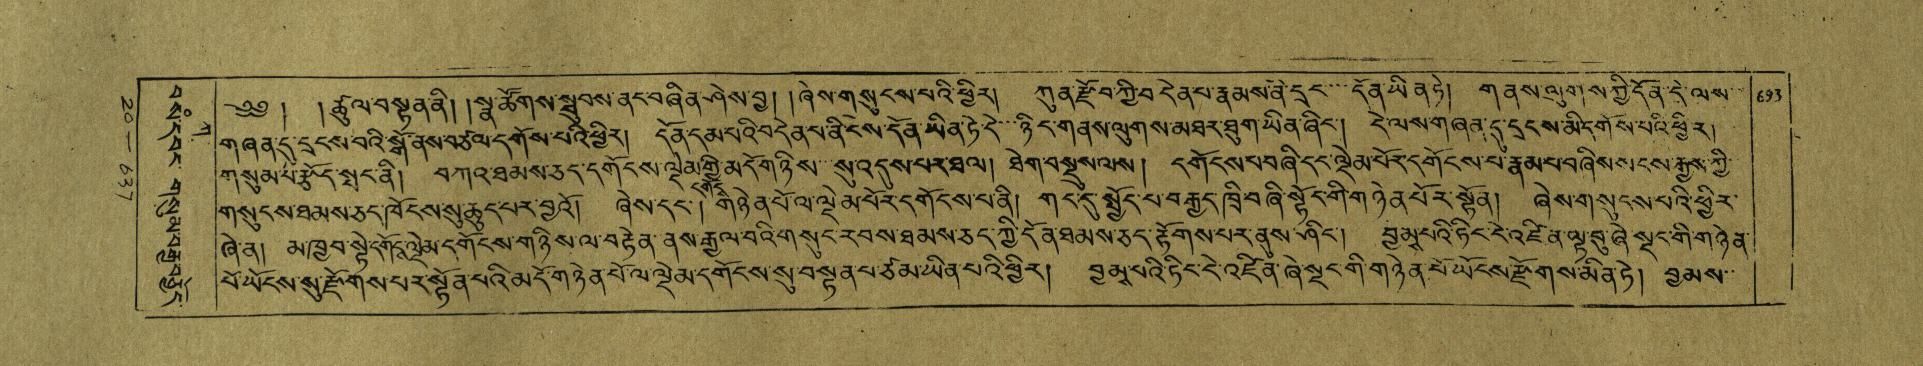༄༅། །ཚུལ་བསྟན་ནི། །སྣ་ཚོགས་སྦུབས་ནང་བཞིན་ཤེས་བྱ། །ཞེས་གསུངས་པའི་ཕྱིར། ཀུན་རྫོབ་ཀྱི་བདེན་པ་རྣམས་ནི་དྲང་དོན་ཡིན་ཏེ། གནས་ལུགས་ཀྱི་དོན་དེ་ལས་
གཞན་དུ་དྲངས་པའི་སྒོ་ནས་བཙལ་དགོས་པའི་ཕྱིར། དོན་དམ་པའི་བདེན་པ་ནི་ངེས་དོན་ཡིན་ཏེ་དེ་ཉིད་གནས་ལུགས་མཐར་ཐུག་ཡིན་ཞིང་། དེ་ལས་གཞན་དུ་དྲངས་མི་དགོས་པའི་ཕྱིར།
གསུམ་པ་རྩོད་སྤང་ནི། བཀའ་ཐམས་ཅད་དགོངས་ལྡེམ་དགོངས་གྱི་མདོ་གཉིས་སུ་འདུས་པར་ཐལ། ཐེག་བསྡུས་ལས། དགོངས་པ་བཞི་དང་ལྡེམ་པོར་དགོངས་པ་རྣམ་པ་བཞིས་སངས་རྒྱས་ཀྱི་
གསུངས་ཐམས་ཅད་ཁོངས་སུ་ཆུད་པར་བྱའོ། །ཞེས་དང་། གཉེན་པོ་ལ་ལྡེམ་པོར་དགོངས་པ་ནི། གང་དུ་སྤྱོད་པ་བརྒྱད་ཁྲི་བཞི་སྟོང་གི་གཉེན་པོར་སྟོན། ཞེས་གསུངས་པའི་ཕྱིར་
ཞེ་ན། མ་ཁྱབ་སྟེ་དགོངས་ལྡེམ་དགོངས་གཉིས་ལ་བརྟེན་ནས་རྒྱལ་བའི་གསུང་རབས་ཐམས་ཅད་ཀྱི་དོན་ཐམས་ཅད་རྟོགས་པར་ནུས་ཤིང་། བྱམས་པའི་ཏིང་ངེ་འཛིན་ལྟ་བུ་ཞེ་སྡང་གི་གཉེན་
པོ་ཡོངས་སུ་རྫོགས་པར་སྟོན་པའི་མདོ་གཉེན་པོ་ལ་ལྡེམ་དགོངས་སུ་བསྟན་པ་ཙམ་ཡིན་པའི་ཕྱིར། བྱམས་པའི་ཏིང་ངེ་འཛིན་ཞེ་སྡང་གི་གཉེན་པོ་ཡོངས་རྫོགས་མིན་ཏེ། བྱམས་